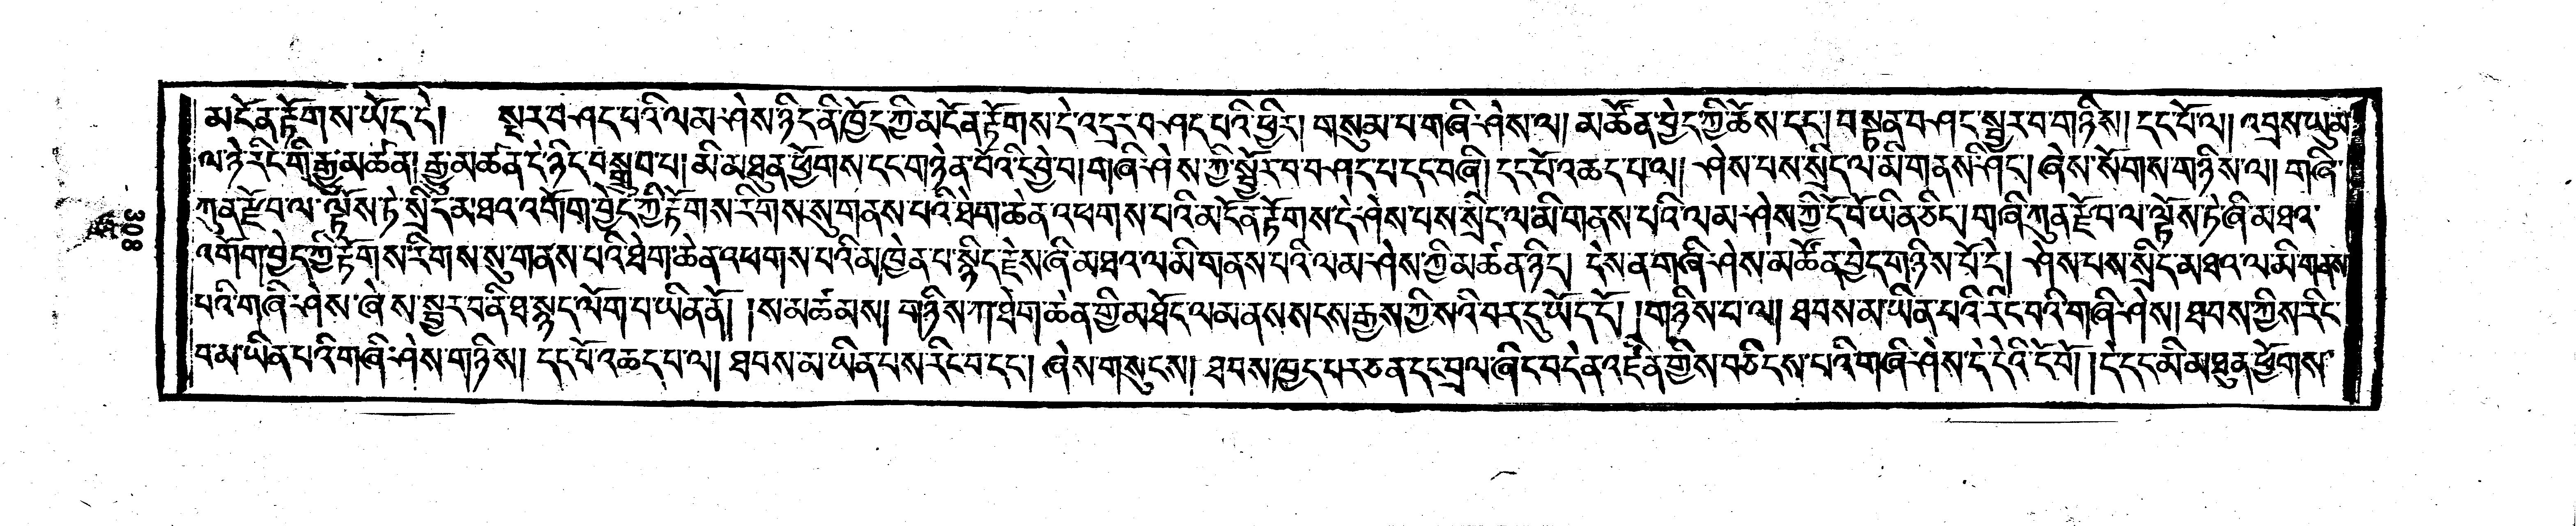མངོན་རྟོགས་ཡོད་དེ། སྔར་བཤད་པའི་ལམ་ཤེས་ཉིད་ནི་ཁྱོད་ཀྱི་མངོན་རྟོགས་དེ་འདྲར་བཤད་པའི་ཕྱིར། གསུམ་པ་གཞི་ཤེས་ལ། མཚོན་བྱེད་ཀྱི་ཆོས་དང་། བསྟན་བཤད་སྦྱར་བ་གཉིས། དང་པོ་ལ། འབྲས་ཡུམ་
ལ་ཉེ་རིང་གི་རྒྱུ་མཚན། རྒྱུ་མཚན་དེ་ཉིད་བསྒྲུབ་པ། མི་མཐུན་ཕྱོགས་དང་གཉེན་པོའི་དབྱེ་བ། གཞི་ཤེས་ཀྱི་སྦྱོར་བ་བཤད་པ་དང་བཞི། དང་པོ་འཆད་པ་ལ། ཤེས་པས་སྲིད་ལ་མི་གནས་ཤིང་། ཞེས་སོགས་གཉིས་ལ། གཞི་
ཀུན་རྫོབ་ལ་ལྟོས་ཏེ་སྲིད་མཐའ་འགོག་བྱེད་ཀྱི་རྟོགས་རིགས་སུ་གནས་པའི་ཐེག་ཆེན་འཕགས་པའི་མངོན་རྟོགས་དེ་ཤེས་པས་སྲིད་ལ་མི་གནས་པའི་ལམ་ཤེས་ཀྱི་ངོ་བོ་ཡིན་ཅིང་། གཞི་ཀུན་རྫོབ་ལ་ལྟོས་ཏེ་ཞི་མཐའ་
འགོག་བྱེད་ཀྱི་རྟོགས་རིགས་སུ་གནས་པའི་ཐེག་ཆེན་འཕགས་པའི་མཁྱེན་པ་སྙིང་རྗེས་ཞི་མཐའ་ལ་མི་གནས་པའི་ལམ་ཤེས་ཀྱི་མཚན་ཉིད། དེས་ན་གཞི་ཤེས་མཚོན་བྱེད་གཉིས་པོ་དེ། ཤེས་པས་སྲིད་མཐའ་ལ་མི་གནས་
བའི་གཞི་ཤེས་ཞེས་སྦྱར་བ་ནི་ཐ་སྙད་ལོག་པ་ཡིན་ནོ། །ས་མཚམས། གཉིས་ཀ་ཐེག་ཆེན་གྱི་མཐོང་ལམ་ནས་སངས་རྒྱས་ཀྱི་སའི་བར་དུ་ཡོད་དོ། །གཉིས་པ་ལ། ཐབས་མ་ཡིན་པའི་རིང་བའི་གཞི་ཤེས། ཐབས་ཀྱིས་རིང་
བ་མ་ཡིན་པའི་གཞི་ཤེས་གཉིས། དད་པོ་འཆད་པ་ལ། ཐབས་མ་ཡིན་པས་རིང་བ་དང་། ཞེས་གསུངས། ཐབས་ཁྱད་པར་ཅན་དང་བྲལ་ཞིང་བདེན་འཛིན་གྱིས་བཅིངས་པའི་གཞི་ཤེས་དེ་དེའི་ངོ་བོ། །དེ་དང་མི་མཐུན་ཕྱོགས་